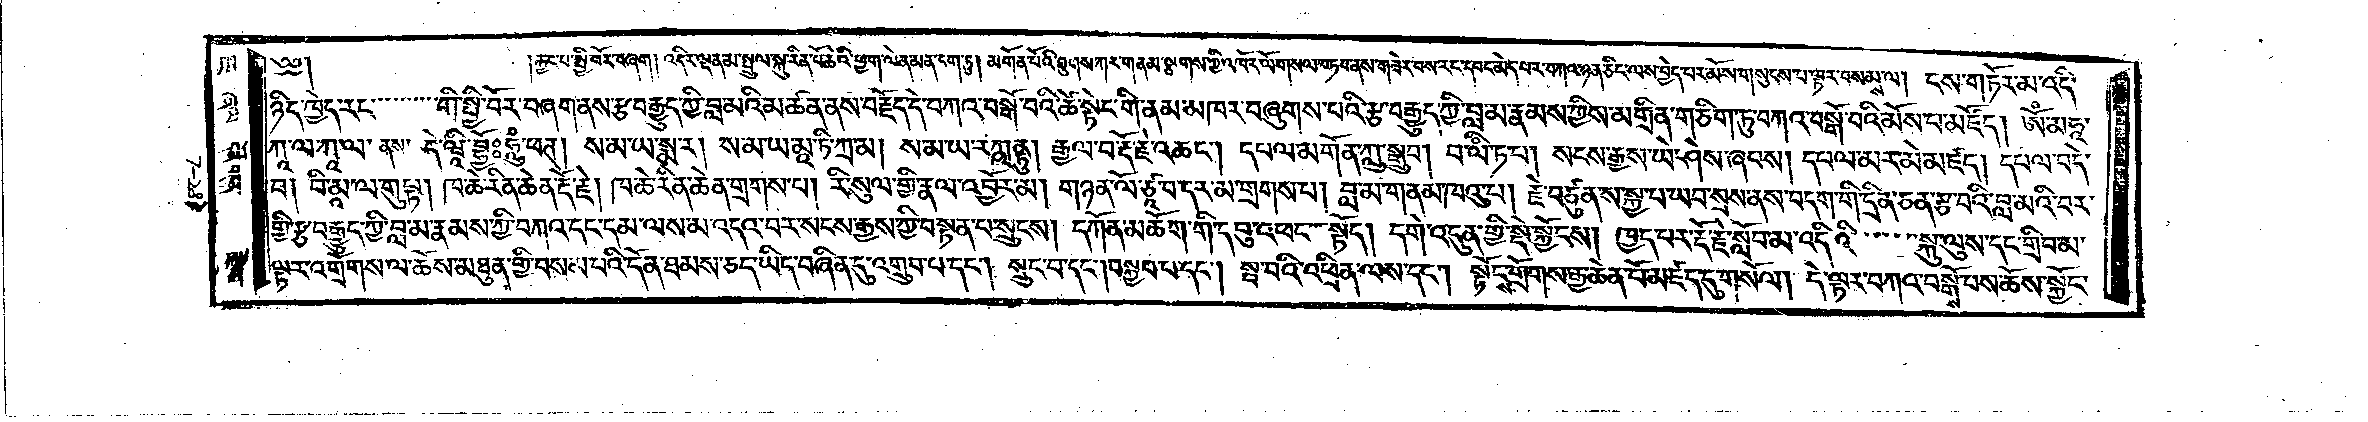༄༅། །རྐྱང་པ་སྤྱི་བོར་བཞག །འདིར་ལྡན་མ་སྤྲུལ་སྐུ་རིན་པོ་ཆེའི་ཕྱག་ལེན་མན་ངག་ཏུ། མགོན་པོའི་ཐུགས་ཀར་གནམ་ལྕགས་ཀྱི་འཁོར་ལོ་གསལ་བཏབ་ནས་གཟེར་བས་རང་དབང་མེད་པར་བཀའ་ཉན་ཅིང་ལས་བྱེད་པར་མོས་གསུངས་པ་ལྟར་བསམས་ལ། ངས་གཏོར་མ་འདི་
ཉིད་ཁྱེད་རང་གི་སྤྱི་བོར་བཞག་ནས་རྩ་བརྒྱུད་ཀྱི་བླ་མའི་མཚན་ནས་བརྗོད་དེ་བཀའ་བསྒོ་བའི་ཚེ་སྟེང་གི་ནམ་མཁར་བཞུགས་པའི་རྩ་བརྒྱུད་ཀྱི་བླ་མ་རྣམས་ཀྱིས་མགྲིན་གཅིག་ཏུ་བཀའ་བསྒོ་བའི་མོས་པ་མཛོད། ཨོཾ་མཧཱ་
ཀཱ་ལ་ཀཱ་ལ་ནས་དེ་ཝཱི་བྷྱོཿ ཧཱུཾ་ཕཊ། ས་མ་ཡ་སྨ་ར། ས་མ་ཡ་མཱ་ཏི་ཀྲ་མ། ས་མ་ཡ་རཀྵ། རྒྱལ་བ་རྡོ་རྗེ་འཆང་། དཔལ་མགོན་ཀླུ་སྒྲུབ། བ་ལིཾ་ཏ་པ། སངས་རྒྱས་ཡེ་ཤེས་ཞབས། དཔལ་མར་མེ་མཛད། དཔལ་བདེ་
བ༑ བི་མཱ་ལ་གུཔྟ། ཁ་ཆེ་རིན་ཆེན་རྡོ་རྗེ། ཁ་ཆེ་རིན་ཆེན་གྲགས་པ། རི་སུལ་གྱི་རྣལ་འབྱོར་མ། གཉན་ལོ་ཙཱ་བ་དར་མ་གྲགས་པ། བླ་མ་གནམ་ཁའུ་པ། རྗེ་བཙུན་ས་སྐྱ་པ་ཡབ་སྲས་ནས་བདག་གི་དྲིན་ཅན་རྩ་བའི་བླ་མའི་བར་
གྱི་རྩ་བརྒྱུད་ཀྱི་བླ་མ་རྣམས་ཀྱི་བཀའ་དང་དམ་ལས་མ་འདའ་བར་སངས་རྒྱས་ཀྱི་བསྟན་པ་སྲུངས། དཀོན་མཆོག་གི་དབུ་འཕང་བསྟོད། དགེ་འདུན་གྱི་སྡེ་སྐྱོངས། ཁྱད་པ་རྡོ་རྗེ་སློབ་མ་འདིའི་སྐུ་ལུས་དང་གྲིབ་མ་
ལྟར་འགྲོགས་ལ་ཆོས་མཐུན་གྱི་བསམ་པའི་དོན་ཐམས་ཅད་ཡིད་བཞིན་དུ་འགྲུབ་པ་དང་། སྲུང་པ་དང་། བསྐྱབ་པ་དང་། སྦ་བའི་འཕྲིན་ལས་དང་། སྟོངས་གྲོགས་རྒྱ་ཆེན་པོ་མཛད་དུ་གསོལ། དེ་ལྟར་བཀའ་བསྒོས་པས་ཆོས་སྐྱོང་